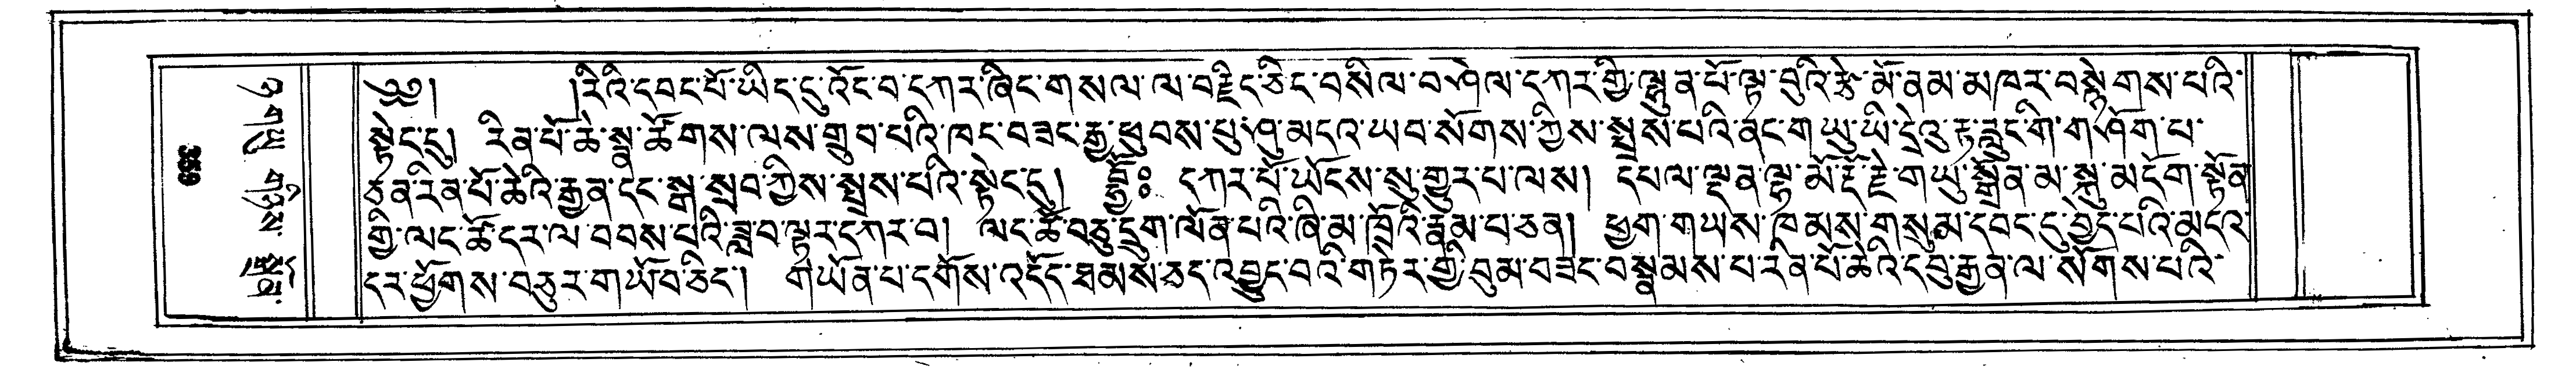༄༅། །རིའི་དབང་པོ་ཡིད་དུ་འོང་བ་དཀར་ཞིང་གསལ་ལ་བརྗིད་ཅིང་བསི་བཤེལ་དཀར་གྱི་ལྷུན་པོ་ལྟ་བུའི་རྩེ་མི་ནམ་མཁར་བསྙེགས་པའི་
སྟེང་དུ། རིན་པོ་ཆེ་སྣ་ཚོགས་ལས་གྲུབ་པའི་ཁང་བཟང་རྒྱ་ཕུགས་པུ་ཤུ་མདའ་ཡབ་སོགས་ཀྱིས་སྤྲས་པའི་ནང་གཡུ་ཡི་དྲེའུ་རྟ་རླུང་གི་གཤོག་པ་
ཅན་རིན་པོ་ཆེའི་རྒྱན་དང་སྒྲ་སྲབ་ཀྱིས་སྤྲས་པའི་སྟེང་དུ། །བྷྱཽཿ དཀར་པོ་ཡོངས་སུ་གྱུར་པ་ལས། །དཔལ་ལྡན་ལྷ་མོ་རྡོ་རྗེ་གཡུ་སྒྲོན་མ་སྐུ་མདོག་སྟོན་
གྱི་ལང་ཚོ་དར་ལ་བབས་པའི་ཟླ་བ་ལྟར་དཀར་བ། །ལང་ཚོ་བཅུ་དྲུག་ལོན་པའི་ཞི་མ་ཁྲོའི་རྣམ་པ་ཅན། །ཕྱག་གཡས་ཁམས་གསུམ་དབང་དུ་བྱེད་པའི་མདའ་
དར་ཕྱོགས་བཅུར་གཡོ་བ་ཅིང་། །གཡོན་པ་དགོས་འདོད་ཐམས་ཅད་འབྱུང་བའི་གཏེར་གྱི་བུམ་བཟང་བསྣམས་པ་རིན་པ་ཆེའི་དབུ་རྒྱན་ལ་སོགས་པའི་